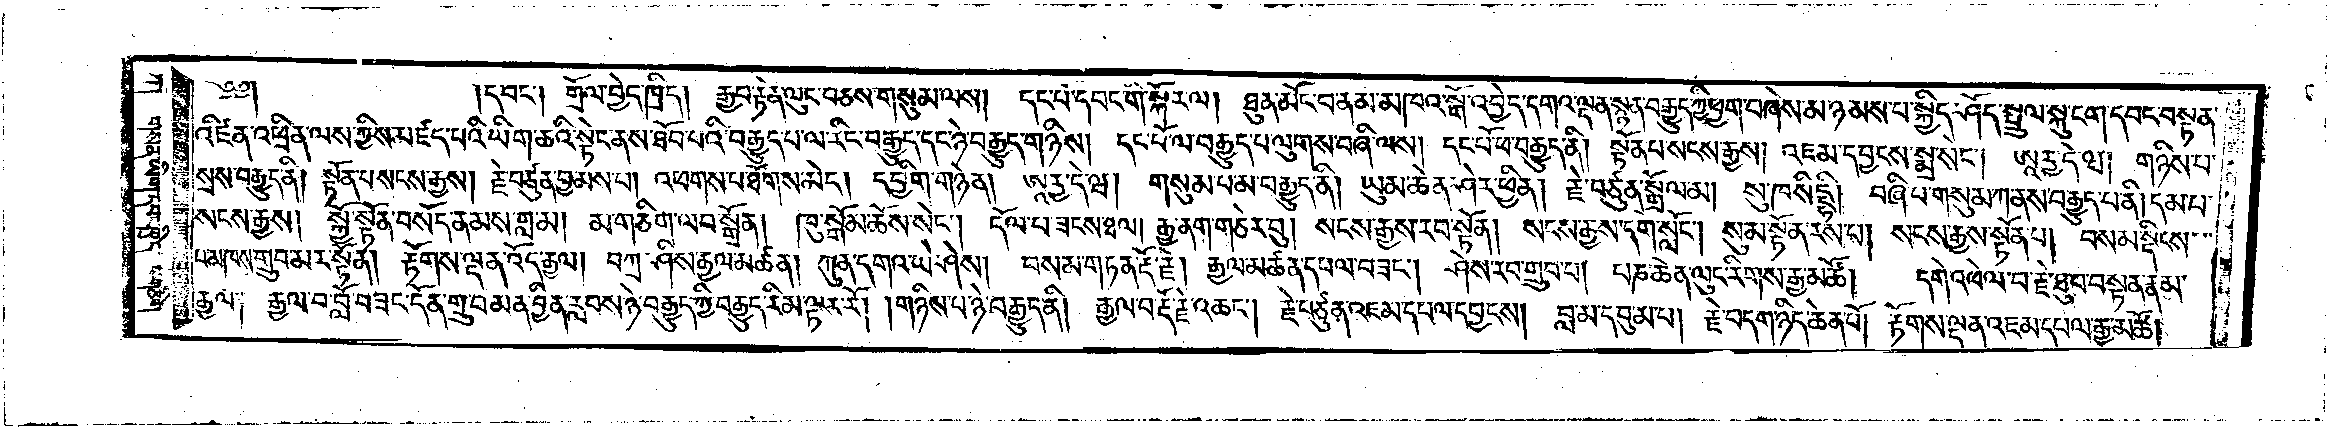༄༅། །དབང་། གྲོལ་བྱེད་ཁྲིད། རྒྱབ་རྟེན་ལུང་བཅས་གསུམ་ལས། དང་པོ་དབང་གི་སྐོར་ལ། ཐུན་མོང་བ་ནམ་མཁའ་སྒོ་འབྱེད་དགའ་ལྡན་སྙན་བརྒྱུད་ཀྱི་ཕྱག་བཞེས་མཉམས་པ་སྐྱིད་ཤོད་སྤྲུལ་སྐུ་ངག་དབང་བསྟན་
འཛིན་འཕྲིན་ལས་ཀྱིས་མཛད་པའི་ཡིག་ཆའི་སྟེང་ནས་ཐོབ་པའི་བརྒྱུད་པ་ལ་རིང་བརྒྱུད་དང་ཉེ་བརྒྱུད་གཉིས། དང་པོ་ལ་བརྒྱུད་པ་ལུགས་བཞི་ལས། དང་པོ་ཕ་བརྒྱུད་ནི། སྟོན་པ་སངས་རྒྱས། འཇམ་དབྱངས་སྨྲ་སེང་། ཨཱརྱ་དེ་ཝ། གཉིས་པ་
སྲས་བརྒྱུད་ནི། སྟོན་པ་སངས་རྒྱས། རྗེ་བཙུན་བྱམས་པ། འཕགས་པ་ཐོགས་མེད། དབྱིག་གཉེན། ཨཱརྱ་དེ་ཝ། གསུམ་པ་མ་བརྒྱུད་ནི། ཡུམ་ཆེན་ཤེར་ཕྱིན། རྗེ་བཙུན་སྒྲོལ་མ། སུ་ཁསིདྡྷི། བཞི་པ་གསུམ་ཀ་ནས་བརྒྱུད་པ་ནི། དམ་པ་
སངས་རྒྱས། སྐྱོ་སྟོན་བསོད་ནམས་གླ་མ། མ་གཅིག་ལ་བསྒྲོན། ཁུ་སྒོམ་ཆོས་སེང་། དོལ་པ་ཟངས་ཐལ། རྒྱ་ནག་གཅེར་བུ། སངས་རྒྱས་རབ་སྟོན། སངས་རྒྱས་དགེ་སློང་། སུམ་སྟོན་རས་པ། སངས་རྒྱས་སྟོན་པ། བསམ་སྡིངས་
པ་མཁས་གྲུབ་མར་སྟོན། རྟོགས་ལྡན་འོད་རྒྱལ། བཀྲ་ཤིས་རྒྱལ་མཚན། ཀུན་དགའ་ཡེ་ཤེས། བསམ་གཏན་རྡོ་རྗེ། རྒྱལ་མཚན་དཔལ་བཟང་། ཤེས་རབ་གྲུབ་པ། པཎ་ཆེན་ལུང་རིགས་རྒྱ་མཚོ། དགེ་འཕེལ་བ་རྗེ་ཐུབ་བསྟན་རྣམ་
རྒྱལ༑ རྒྱལ་བ་བློ་བཟང་དོན་གྲུབ་མན་བྱིན་རླབས་ཉེ་བརྒྱུད་ཀྱི་བརྒྱུད་རིམ་ལྟར་རོ། །གཉིས་པ་ཉེ་བརྒྱུད་ནི། རྒྱལ་བ་རྡོ་རྗེ་འཆང་། རྗེ་བཙུན་འཇམ་དཔལ་དབྱངས། བླ་མ་དབུ་མ་པ། རྗེ་བདག་ཉིད་ཆེན་པོ། རྟོགས་ལྡན་འཇམ་དཔལ་རྒྱ་མཚོ།